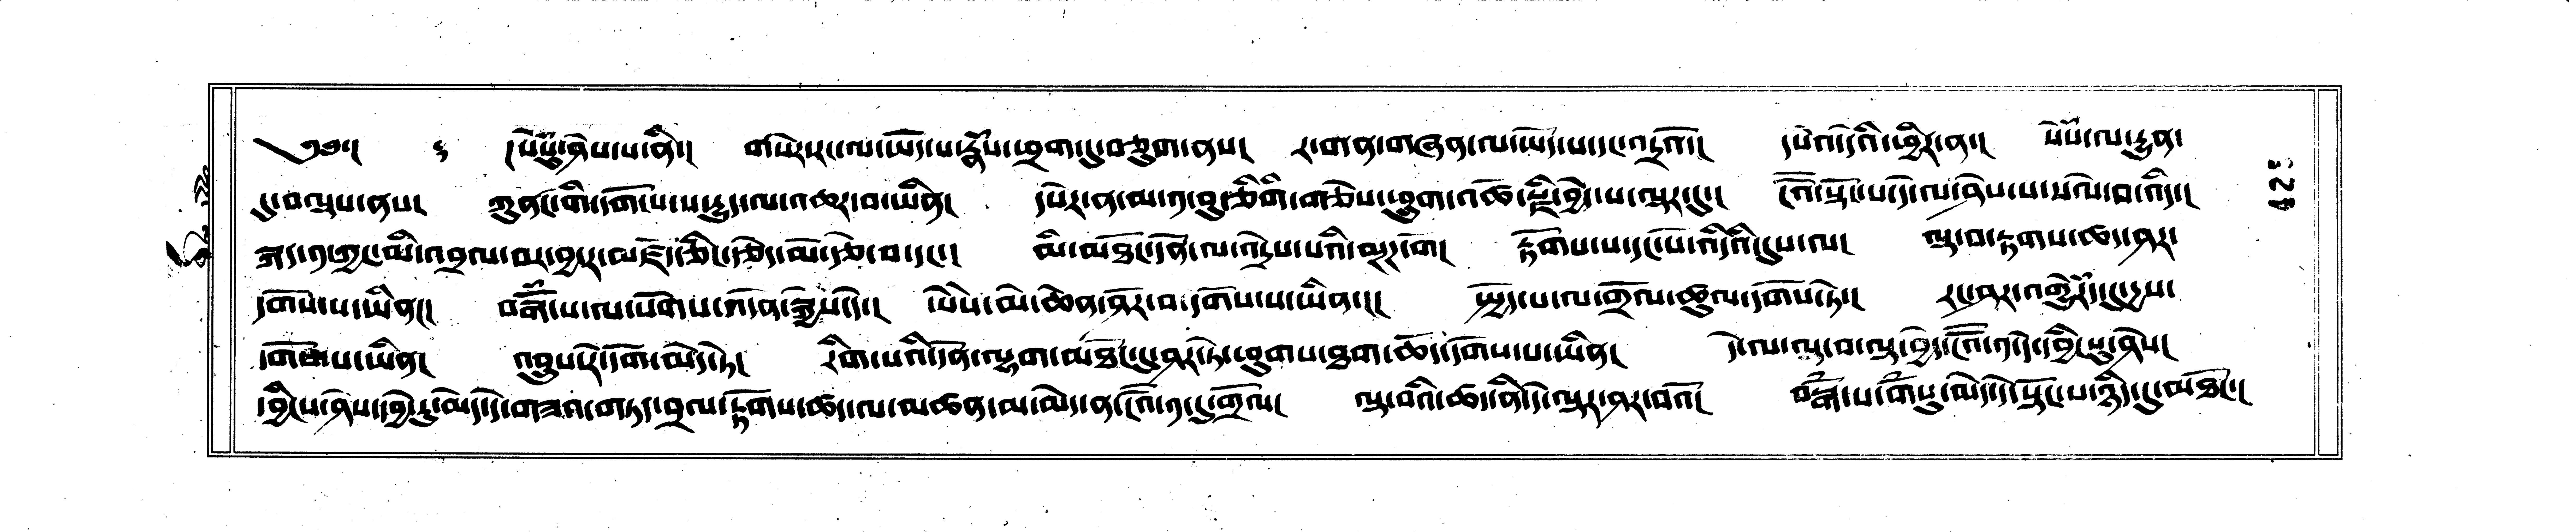སེམས་སུ་མ་ཤེས་པ་ནི། གསེར་རང་ལ་ཡོད་པ་རྣམས་ཕྲག་དུ་བཅུག་ནས། ར་གན་གཞན་ལས་ཉོ་བ་དང་འདྲ་བོ། དཔེ་དེའི་ཕྱིར་ན། སེམས་ལ་རྒྱུན་
དུ་བལྟས་ན། ཀུན་བཟང་གིས་དགོངས་པ་རྒྱུད་ལ་འཆར་བ་ཡིན་ནོ། དཔེར་ན་མ་ཅིག་བུ་གཅིག་གིས་གཅེས་ཕྲུག་པ་འཚོ་རྫི་བྱས་པ་ལྟར་དུ། ངོའོ་སྟོང་པ་དེ་ལ་ཤེས་ལ་སལེ་བ་འདི། 
སྐད་ཅིག་ཀྱང་མི་འབྲལ་བར་བྱ་བར་མཛད་ཅིང་རྩེ་མོ་རྩེས་དང་། མི་མཐོང་དོན་ལ་འདྲིས་པའི་མེན་ངག་གོ རྟོག་པ་དང་པོ་འདིའི་དུས་ལ། ལྟ་བ་ལ་རྟོགས་ཚད་ཤར་
དགོས་པ་ཡིན། བསྒོམ་པ་ལ་བོག་འདོན་སྐྱེ་སྟེ། ཡེ་ཤེས་ཀྱི་མེ་ཆེན་ཤོར་དགོས་པ་ཡིན། སྤྱོད་པ་ལ་གྲོལ་ཚུལ་དགོས་ཏེ། རང་ཤར་འགྱུར་མེད་དུ་རྒྱས་
དགོས་པ་ཡིན། འབྲས་བུ་ལ་རེ་དོག་མེད་དེ། རིག་པའི་ཡེ་ཤེས་ལྷག་མཐོང་དུ་ཤར་ཏེ་ཕུ་ཐག་ནང་དུ་ཆོད་དགོས་པ་ཡིན། དེ་ལ་ལྟ་བྱ་ལྟ་བྱེད་ཀྱིས་ངོའོ་ཅིག་སྟེ་དབྱིངས་སུ་ཤེས། 
དབྱིངས་ཤེས་དབྱེར་རུ་མེད་དེ་གཟའ་གཏད་བྲལ། རྟག་ཆད་མཚན་མ་མེད་ན་ངོའོ་ཉིད་དུ་གྲོལ། ལྟ་བའི་ཚད་ནི་དེ་ལྟར་ཤར་བའོ། བསྒོམ་པ་བསྒོམ་དུ་མེད་དེ་སྟོང་པ་ཉིད་དུ་མཐོང་།